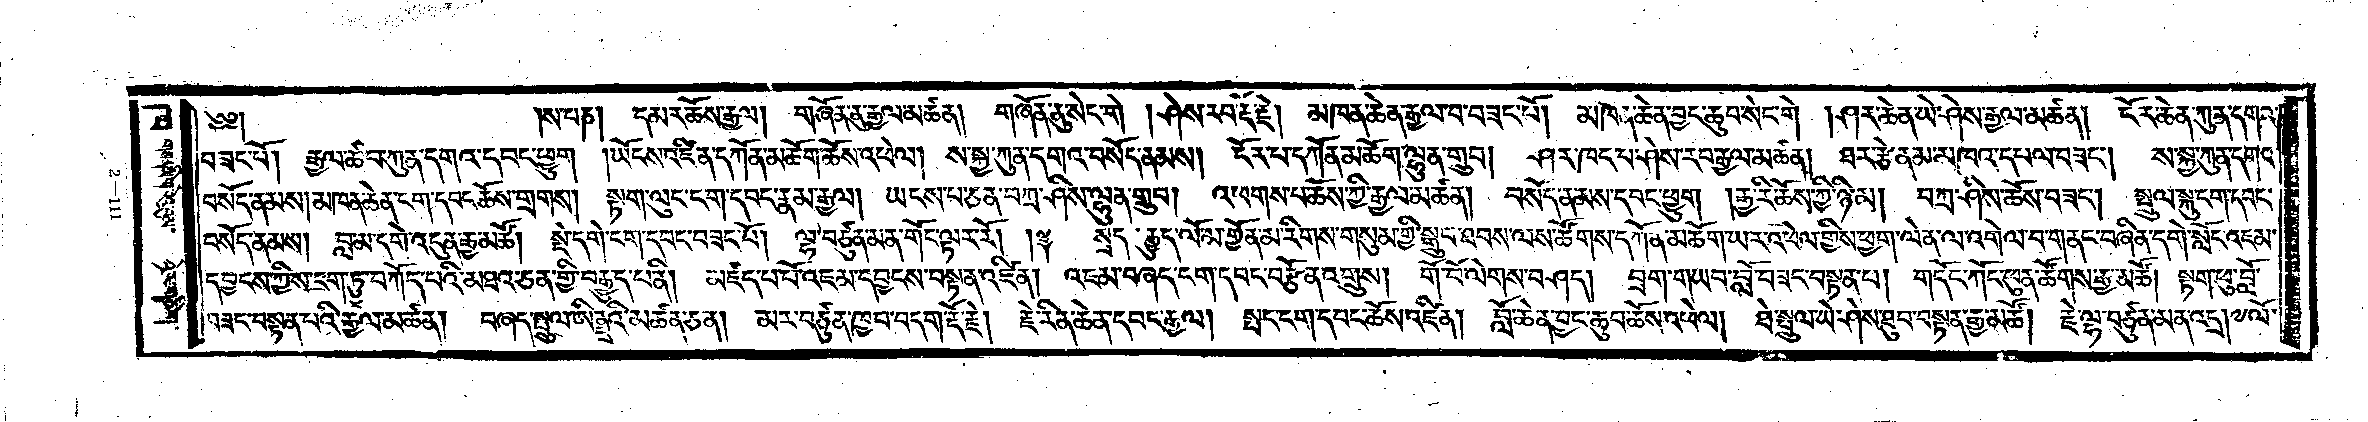༄༅། །ས་པཎ། དམར་ཆོས་རྒྱལ། གཞོན་ནུ་རྒྱལ་མཚན། གཞོན་ནུ་སེང་གེ །ཤེས་རབ་རྡོ་རྗེ། མཁན་ཆེན་རྒྱལ་བ་བཟང་པོ། མཁན་ཆེན་བྱང་ཆུབ་སེང་གེ །ཤར་ཆེན་ཡེ་ཤེས་རྒྱལ་མཚན། ངོར་ཆེན་ཀུན་དགའ་
བཟང་པོ། རྒྱལ་ཚབ་ཀུན་དགའ་དབང་ཕྱུག །ཡོངས་འཛིན་དཀོན་མཆོག་ཆོས་འཕེལ། ས་སྐྱ་ཀུན་དགའ་བསོད་ནམས། ངོར་པ་དཀོན་མཆོག་ལྷུན་གྲུབ། ཤར་ཁང་པ་ཤེས་རབ་རྒྱལ་མཚན། ཐར་རྩེ་ནམ་མཁའ་དཔལ་བཟང་། ས་སྐྱ་ཀུན་དགའ་
བསོད་ནམས། མཁན་ཆེན་ངག་དབང་ཆོས་གྲགས། སྟག་ལུང་ངག་དབང་རྣམ་རྒྱལ། ཡངས་པ་ཅན་བཀྲ་ཤིས་ལྷུན་གྲུབ། འཕགས་པ་ཆོས་ཀྱི་རྒྱལ་མཚན། བསོད་ནམས་དབང་ཕྱུག །རྒྱ་རི་ཆོས་ཀྱི་ཉི་མ། བཀྲ་ཤིས་ཆོས་བཟང་། སྤྲུལ་སྐུ་ངག་དབང་
བསོད་ནམས། བླ་མ་དགེ་འདུན་རྒྱ་མཚོ། སྡེ་དགེ་ངག་དབང་བཟང་པོ། ལྷ་བཙུན་མན་གོང་ལྟར་རོ། །༈ སྲད་རྒྱུད་ལོ་མ་གྱོན་མ་རིགས་གསུམ་གྱི་སྒྲུབ་ཐབས་ལས་ཚོགས་དཀོན་མཆོག་ཡར་འཕེལ་གྱིས་ཕྱག་ལེན་ལ་འགྲེལ་བ་གནང་བཞིན་དགེ་སློང་འཇམ་
དབྱངས་ཀྱིས་ངག་ཏུ་བཀོད་པའི་མཐའ་ཅན་གྱི་བརྒྱུད་པ་ནི། མཛད་པ་པོ་འཇམ་དབྱངས་བསྟན་འཛིན། འཇམ་བཞད་ངག་དབང་བརྩོན་འགྲུས། གོ་བོ་ལེགས་བཤད། བྲག་གཡབ་བློ་བཟང་བསྟན་པ། གདོང་ཀོང་ཕུན་ཚོགས་རྒྱ་མཚོ། སྟག་ཕུ་བློ་
བཟང་བསྟན་པའི་རྒྱལ་མཚན། བཞད་སྤྲུལ་ཨིནྡྲའི་མཚན་ཅན། མར་བཙུན་ཁྱབ་བདག་རྡོ་རྗེ། རྗེ་རིན་ཆེན་དབང་རྒྱལ། སྤང་ངག་དབང་ཆོས་འཛིན། བློ་ཆེན་བྱང་ཆུབ་ཆོས་འཕེལ། ཐེ་སྤྲུལ་ཡེ་ཤེས་ཐུབ་བསྟན་རྒྱ་མཚོ། རྗེ་ལྷ་བཙུན་མན་འདྲ། ༧ལོ་